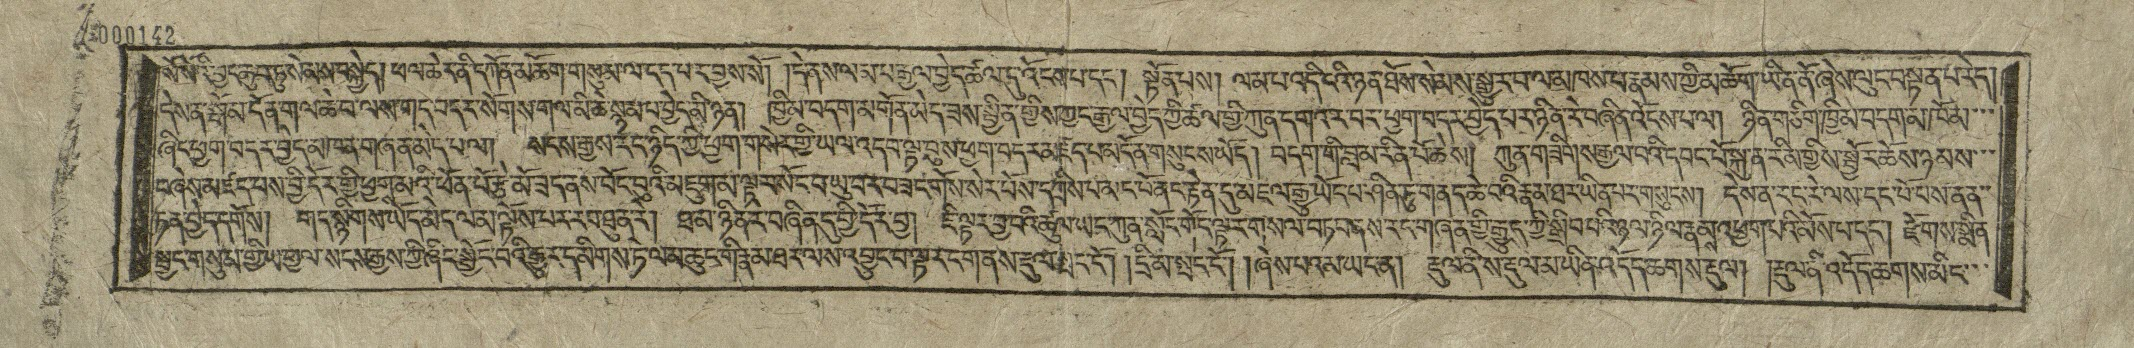སོ་སོའི་བྱང་ཆུབ་ཏུ་སེམས་བསྐྱེད། ཕལ་ཆེར་ནི་དཀོན་མཆོག་གསུམ་ལ་དད་པར་བྱས་སོ། །དེ་ནས་ལམ་པ་རྒྱལ་བྱེད་ཚལ་དུ་འོངས་པ་དང་། སྟོན་པས། ལམ་པ་འདི་ངའི་ཉན་ཐོས་སེམས་སྒྱུར་བ་ལ་མཁས་པ་རྣམས་ཀྱི་མཆོག་ཡིན་ནོ་ཞེས་ལུང་བསྟན་པ་རེད།
དེས་ན་སྒོམ་དོན་གལ་ཆེ་བ་ལས་གད་བདར་སོགས་གལ་མི་ཆེ་སྙམ་པ་བྱེད་མི་ཉན། ཁྱིམ་བདག་མགོན་མེད་ཟས་སྦྱིན་གྱིས་ཀྱང་རྒྱལ་བྱེད་ཀྱི་ཚལ་གྱི་ཀུན་དགའ་ར་བར་ཕྱག་བདར་བྱེད་པར་ཉིན་རེ་བཞིན་འོངས་པ་ལ། ཉིན་གཅིག་ཁྱིམ་བདག་མ་ཁོམ་
ཞིང་ཕྱག་བདར་བྱེད་མཁན་གཞན་མེད་པ་ལ། སངས་རྒྱས་རང་ཉིད་ཀྱི་ཕྱག་གསེར་གྱི་ཡལ་འདབ་ལྟ་བུས་ཕྱག་བདར་མཛད་པ་མངོན་?་གསུངས་ཡོད། བདག་གི་བླ་མ་རིན་པོ་ཆེས། ཀུན་གཟིགས་རྒྱལ་བའི་དབང་པོ་སྐུ་ན་རིམ་གྱིས་སྦྱོར་ཆོས་ཉམས་
བཞེས་མཛད་པས་བྱི་དོར་གྱི་ཕྱག་མའི་ཕོན་པོ་རྩེ་མོ་ཟད་ནས་བོང་བུའི་མཇུག་མ་ལྟར་སོང་བ་ཡུ་བར་བཟང་གོས་སེར་པོས་དཀྲིས་པ་མང་པོ་ནང་རྟེན་དུ་མཇལ་རྒྱུ་ཡོད་པ་ཤིན་ཏུ་གནད་ཆེ་བའི་རྣམ་ཐར་ཡིན་པར་གསུངས། དེས་ན་རང་རེ་ལས་དང་པོ་པས་ནན་
ཏན་བྱེད་དགོས། གད་སྙིགས་ཡོད་མེད་ལ་མ་ལྟོས་པར་རབ་ཐུན་རེ། ཐ་མ་ཉིན་རེ་བཞིན་དུ་བྱི་དོར་བྱ། ཇི་ལྟར་བྱ་བའི་ཚུལ་ཡང་ཀུན་སློང་གོང་ལྟར་གསལ་བཏབ་ནས་རང་གཞན་གྱི་རྒྱུད་ཀྱི་སྒྲིབ་པའི་ཉལ་ཉིལ་རྣམས་འཕྱག་པའི་མོས་པ་དང་། རྫོགས་སྨིན་
སྦྱང་གསུམ་གྱི་ཡ་གྱལ་སངས་རྒྱས་ཀྱི་ཞིང་སྦྱོང་བའི་རྒྱུར་དམིགས་ཏེ་ལམ་ཆུང་གི་རྣམ་ཐར་ལས་འབྱུང་བ་ལྟར་ངག་ནས་རྡུལ་སྤང་ངོ། །དྲི་མ་སྤང་ངོ། །ཞེས་པའམ་ཡང་ན། རྡུལ་ནི་ས་རྡུལ་མ་ཡིན་འདོད་ཆགས་རྡུལ། །རྡུལ་ནི་འདོད་ཆགས་མིང་